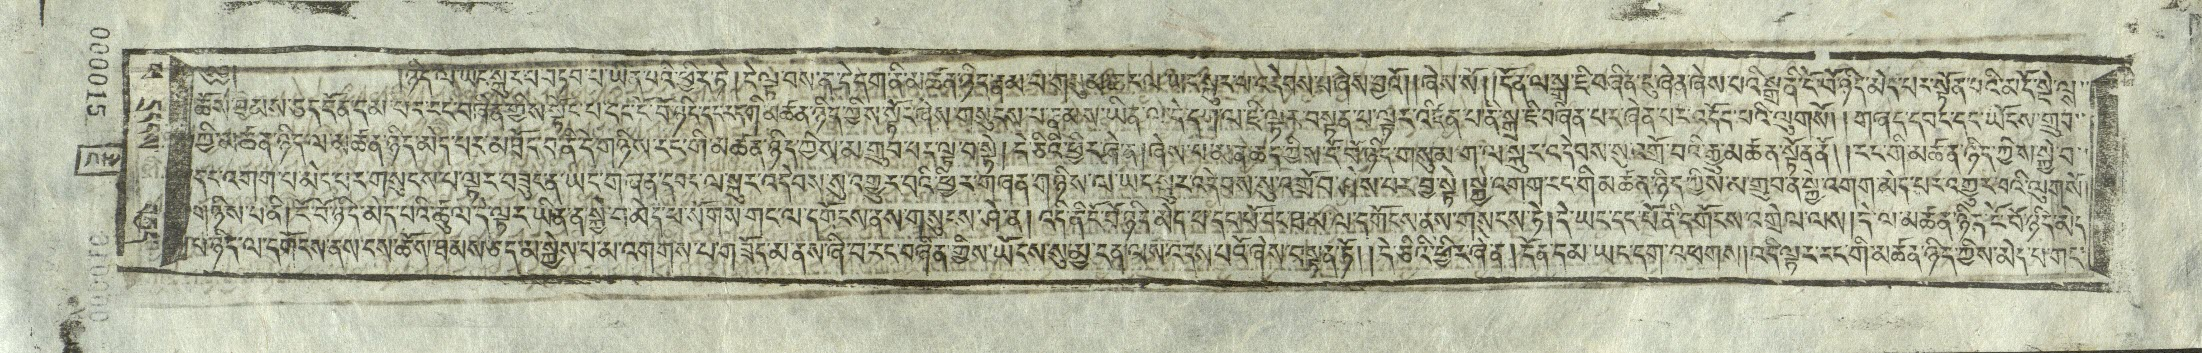༄༅། །ཉིད་ལ་ཡང་སྐུར་པ་བཏབ་པ་ཡིན་པའི་ཕྱིར་ཏེ། དེ་ལྟ་བས་ན་དེ་དག་ནི་མཚན་ཉིད་རྣམ་པ་གསུམ་ཆར་ལ་ཡང་སྐུར་པ་འདེབས་པ་ཞེས་བྱའོ། །ཞེས་སོ། །དོན་ལ་སྒྲ་ཇི་བཞིན་དུ་ཞེན་ཞེས་པའི་སྒྲ་ནི་ངོ་བོ་ཉིད་མེད་པར་སྟོན་པའི་མདོ་སྡེ་ལས་
ཆོས་ཐམས་ཅད་དོན་དམ་པར་རང་བཞིན་གྱིས་སྟོང་པ་དང་ངོ་བོ་ཉིད་དང་རང་གི་མཚན་ཉིད་ཀྱིས་སྟོང་ཞེས་གསུངས་པ་རྣམས་ཡིན་ལ་དེ་དག་ལ་ཇི་ལྟར་བསྟན་པ་ལྟར་འཛིན་པ་ནི་སྒྲ་ཇི་བཞིན་པར་འདོད་པའི་ལུགས་སོ། །གཞན་དབང་དང་ཡོངས་གྲུབ་
ཀྱི་མཚན་ཉིད་ལ་མཚན་ཉིད་མེད་པར་མཐོང་བ་ནི་དེ་གཉིས་རང་གི་མཚན་ཉིད་ཀྱིས་མ་གྲུབ་པར་ལྟ་བ་སྟེ། དེ་ཅིའི་ཕྱིར་ཞེ་ན། ཞེས་པ་མན་ཆད་ཀྱིས་ངོ་བོ་ཉིད་གསུམ་ག་ལ་སྐུར་འདེབས་སུ་འགྲོ་བའི་རྒྱུ་མཚན་སྟོན་ནོ། །རང་གི་མཚན་ཉིད་ཀྱིས་སྐྱེ་བ་
དང་འགག་པ་མེད་པར་གསུངས་པ་ལྟར་བཟུང་ན་ཡང་གཞན་དབང་ལ་སྐུར་འདེབས་སུ་འགྱུར་བའི་ཕྱིར་གཞན་གཉིས་ལ་ཡང་སྐུར་འདེབས་སུ་འགྲོ་བ་ཤེས་པར་བྱ་སྟེ། སྐྱེ་འགག་རང་གི་མཚན་ཉིད་ཀྱིས་མ་གྲུབ་ན་སྐྱེ་འགག་མེད་པར་འགྱུར་བའི་ལུགས་སོ། །
གཉིས་པ་ནི། ངོ་བོ་ཉིད་མེད་པའི་ཚུལ་དེ་ལྟར་ཡིན་ན་སྐྱེ་བ་མེད་པ་སོགས་གང་ལ་དགོངས་ནས་གསུངས་ཤེ་ན། འདི་ནི་ངོ་བོ་ཉིད་མེད་པ་དང་པོ་དང་ཐ་མ་ལ་དགོངས་ནས་གསུངས་ཏེ། དེ་ཡང་དང་པོ་ནི་དགོངས་འགྲེལ་ལས། དེ་ལ་མཚན་ཉིད་ངོ་བོ་ཉིད་མེད་
པ་ཉིད་ལ་དགོངས་ནས་ངས་ཆོས་ཐམས་ཅད་མ་སྐྱེས་པ་མ་འགགས་པ་གཟོད་མ་ནས་ཞི་བ་རང་བཞིན་གྱིས་ཡོངས་སུ་མྱ་ངན་ལས་འདས་པའོ་ཞེས་བསྟན་ཏོ། །དེ་ཅིའི་ཕྱིར་ཞེ་ན། དོན་དམ་ཡང་དག་འཕགས། འདི་ལྟར་རང་གི་མཚན་ཉིད་ཀྱིས་མེད་པ་གང་